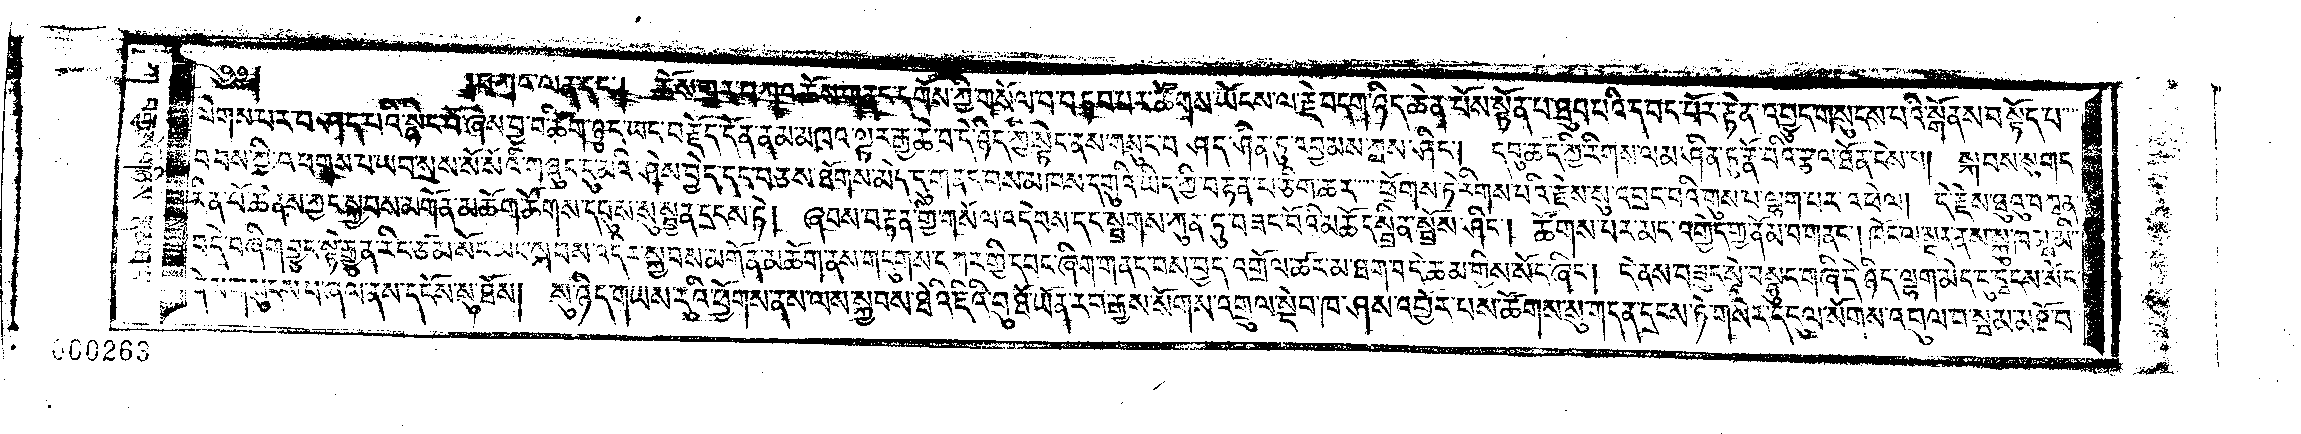༄༅། །བཀའ་ལན་དང་། ཆོས་གྲྭར་བཀའ་ཆོས་གནང་དགོས་ཀྱི་གསོལ་བ་བཏབ་པར་ཚོགས་ཡོངས་ལ་རྗེ་བདག་ཉིད་ཆེན་པོས་སྟོན་པ་ཐུབ་པའི་དབང་པོར་རྟེན་འབྱུང་གསུངས་པའི་སྒོ་ནས་བསྟོད་པ་
ལེགས་པར་བཤད་པའི་སྙིང་པོ་ཞེས་བྱ་བ་ཚིག་ཉུང་ཡང་བརྗོད་དོན་ནམ་མཁའ་ལྟར་རྒྱ་ཆེ་བ་དེ་ཉིད་ཀྱི་སྟེང་ནས་གསུང་བཤད་ཤིན་ཏུ་འབྱམས་ཀླས་ཤིང་། དབུ་ཚད་ཀྱི་རིགས་ལམ་ཤིན་ཏུ་རྣོ་བའི་རྩལ་ཐོན་ངེས་པ། སྐབས་སུ་གང་
བབས་ཀྱི་འཕགས་པ་ཡབ་སྲས་སོ་སོའི་གཞུང་དུ་མའི་ཤེས་བྱེད་དང་བཅས་ཐོགས་མེད་དུ་གནང་བས་མཁས་དགུའི་ཡིད་ཀྱི་བརྟན་པ་ཅིག་ཆར་ཕྲོགས་ཏེ་རིགས་པའི་རྗེས་སུ་འབྲང་བའི་གུས་པ་ལྷག་པར་འཕེལ། དེ་རྗེས་ཐུའུ་བཀྭན་
རིན་པོ་ཆེ་ནས་ཀྱང་སྐྱབས་མགོན་མཆོག་ཚོགས་དབུས་སུ་སྤྱན་དྲངས་ཏེ། ཞབས་བརྟན་གྱི་གསོལ་འདེབས་དང་སྦྲགས་ཀུན་ཏུ་བཟང་པོའི་མཆོད་སྤྲིན་སྤྲོས་ཤིང་། ཚོགས་པར་མང་འགྱེད་གྱ་ནོམ་པ་གནང་། ཁོང་ལ་སྔར་ནས་སྐུ་ཁམས་མི་
བདེ་བ་ཞིག་བྱུང་སྟེ་རྒྱུན་རིང་ཙམ་སོང་ཡང་སྐབས་འདིར་སྐྱབས་མགོན་མཆོག་ནས་གདུགས་དཀར་གྱི་དབང་ཞིག་གནང་བས་བྱད་འགྲོལ་ཚར་མ་ཐག་བདེ་ཆམ་གྱིས་སོང་ཞིང་། དེ་ནས་བཟུང་སྟེ་བསྙུང་གཞི་དེ་ཉིད་ལྷག་མེད་དུ་དྭངས་སོང་
ཞེས་གསུངས་པ་ཞལ་ནས་དངོས་སུ་ཐོས། སུ་ཉིད་གཡས་རུའི་ཕྱོགས་ནས་ལས་སྐྱབས་ཐེའི་ཇིའི་བུ་ཐོ་ཡོན་རབ་རྒྱས་སོགས་འགྲུལ་སྡེབ་ཁ་ཤས་འབྱོར་པས་ཚོགས་སུ་གདན་དྲངས་ཏེ་གསེར་དངུལ་སོགས་འབུལ་བ་སྤམ་མཐོ་བ་